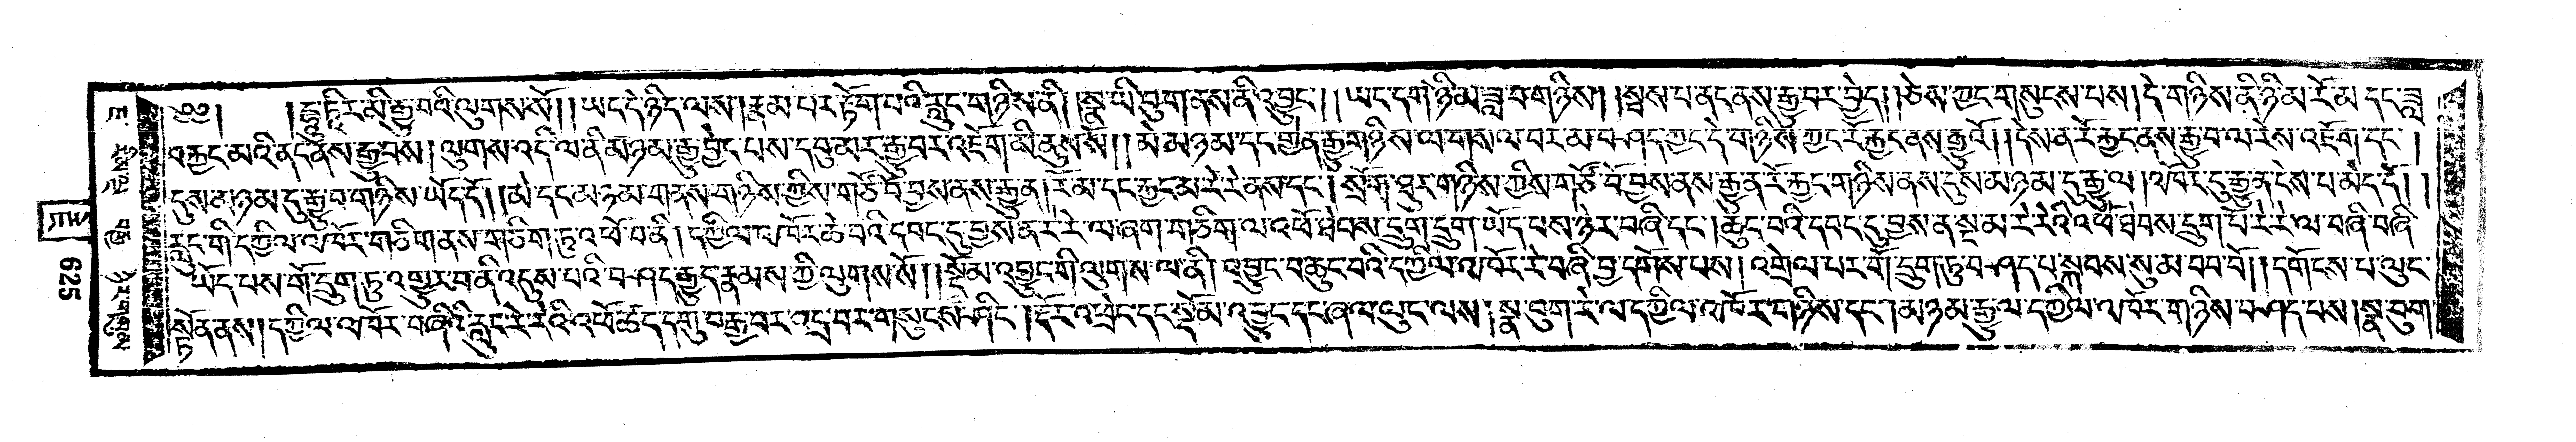༄༅། །དྷཱུ་ཏཱིར་མི་རྒྱུ་བའི་ལུགས་སོ། །ཡང་དེ་ཉིད་ལས། རྣམ་པར་རྟོག་པའི་རླུང་གཉིས་ནི། །སྣ་ཡི་བུ་ག་ནས་ནི་འབྱུང་། །ཡང་དག་ཉི་མ་ཟླ་བ་གཉིས། །སྦས་པ་ནང་ནས་རྒྱུ་བར་བྱེད། །ཅེས་ཀྱང་གསུངས་པས། དེ་གཉིས་ནི་ཉི་མ་རོ་མ་དང་ཟླ་
བརྐྱང་མའི་ནང་ནས་རྒྱུ་བས། ལུགས་འདི་ལ་ནི་མཉམ་རྒྱུ་བྱེད་པས་དབུ་མར་རྒྱུ་བར་འཇོག་མི་ནུས་སོ། །མེ་མཉམ་དང་གྱེན་རྒྱུ་གཉིས་ལ་གསལ་བར་མ་བཤད་ཀྱང་དེ་གཉིས་ཀྱང་རོ་རྐྱང་ནས་རྒྱུའོ། །དེས་ན་རོ་རྐྱང་ནས་རྒྱུ་བ་ལ་རེས་འཇོག་དང་།
དུས་མཉམ་དུ་རྒྱུ་བ་གཉིས་ཡོད་དོ། །མེ་དང་མཉམ་གནས་གཉིས་ཀྱིས་གཙོ་བོ་བྱས་ནས་རྒྱུ་ན། རོ་མ་དང་རྐྱང་མ་རེ་རེ་ནས་དང་། སྲོག་ཐུར་གཉིས་ཀྱིས་གཙོ་བོ་བྱས་ནས་རྒྱུ་ན། རོ་མ་དང་རྐྱང་གཉིས་ནས་དུས་མཉམ་དུ་རྒྱུ་ལ། འཁོར་དུ་རྒྱུ་ན་ངེས་པ་མེད་དོ། །
རླུང་གི་དཀྱིལ་འཁོར་གཅིག་ནས་གཅིག་ཏུ་འཕོ་བ་ནི། དཀྱིལ་འཁོར་ཆེ་བའི་དབང་དུ་བྱས་ན་རེ་རེ་ལ་ཞག་གཅིག་ལ་འཕོ་ཐེབས་དྲུག་དྲུག་ཡོད་པས་ཉེར་བཞི་དང་། ཆུང་བའི་དབང་དུ་བྱས་ན་སྔ་མ་རེ་རེའི་འཕོ་ཐེབས་དྲུག་པོ་རེ་རེ་ལ་བཞི་བཞི་
ཡོད་པས་གོ་དྲུག་ཏུ་འགྱུར་བ་ནི་འདུས་པའི་བཤད་རྒྱུད་རྣམས་ཀྱི་ལུགས་སོ། །སྡོམ་འབྱུང་གི་ལུགས་ལ་ནི། འབྱུང་བ་ཆུང་བའི་དཀྱིལ་འཁོར་རེ་བཞི་བྱ་དགོས་པས། འགྲེལ་པར་གོ་དྲུག་ཏུ་བཤད་པ་སྐབས་སུ་མ་བབ་བོ། །དགོངས་པ་ལུང་
སྟོན་ནས། དཀྱིལ་འཁོར་བཞིའི་རླུང་རེ་རེའི་འཕོ་ཆེད་དགུ་བརྒྱ་པར་འདྲ་བར་གསུངས་ཤིང་། རྡོར་འཕྲེང་དང་སྡོམ་འབྱུང་དང་ཞལ་ལུང་ལས། སྣ་བུག་རེ་ལ་དཀྱིལ་འཁོར་གཉིས་དང་། མཉམ་རྒྱུ་ལ་དཀྱིལ་འཁོར་གཉིས་བཤད་པས་སྣ་བུག་